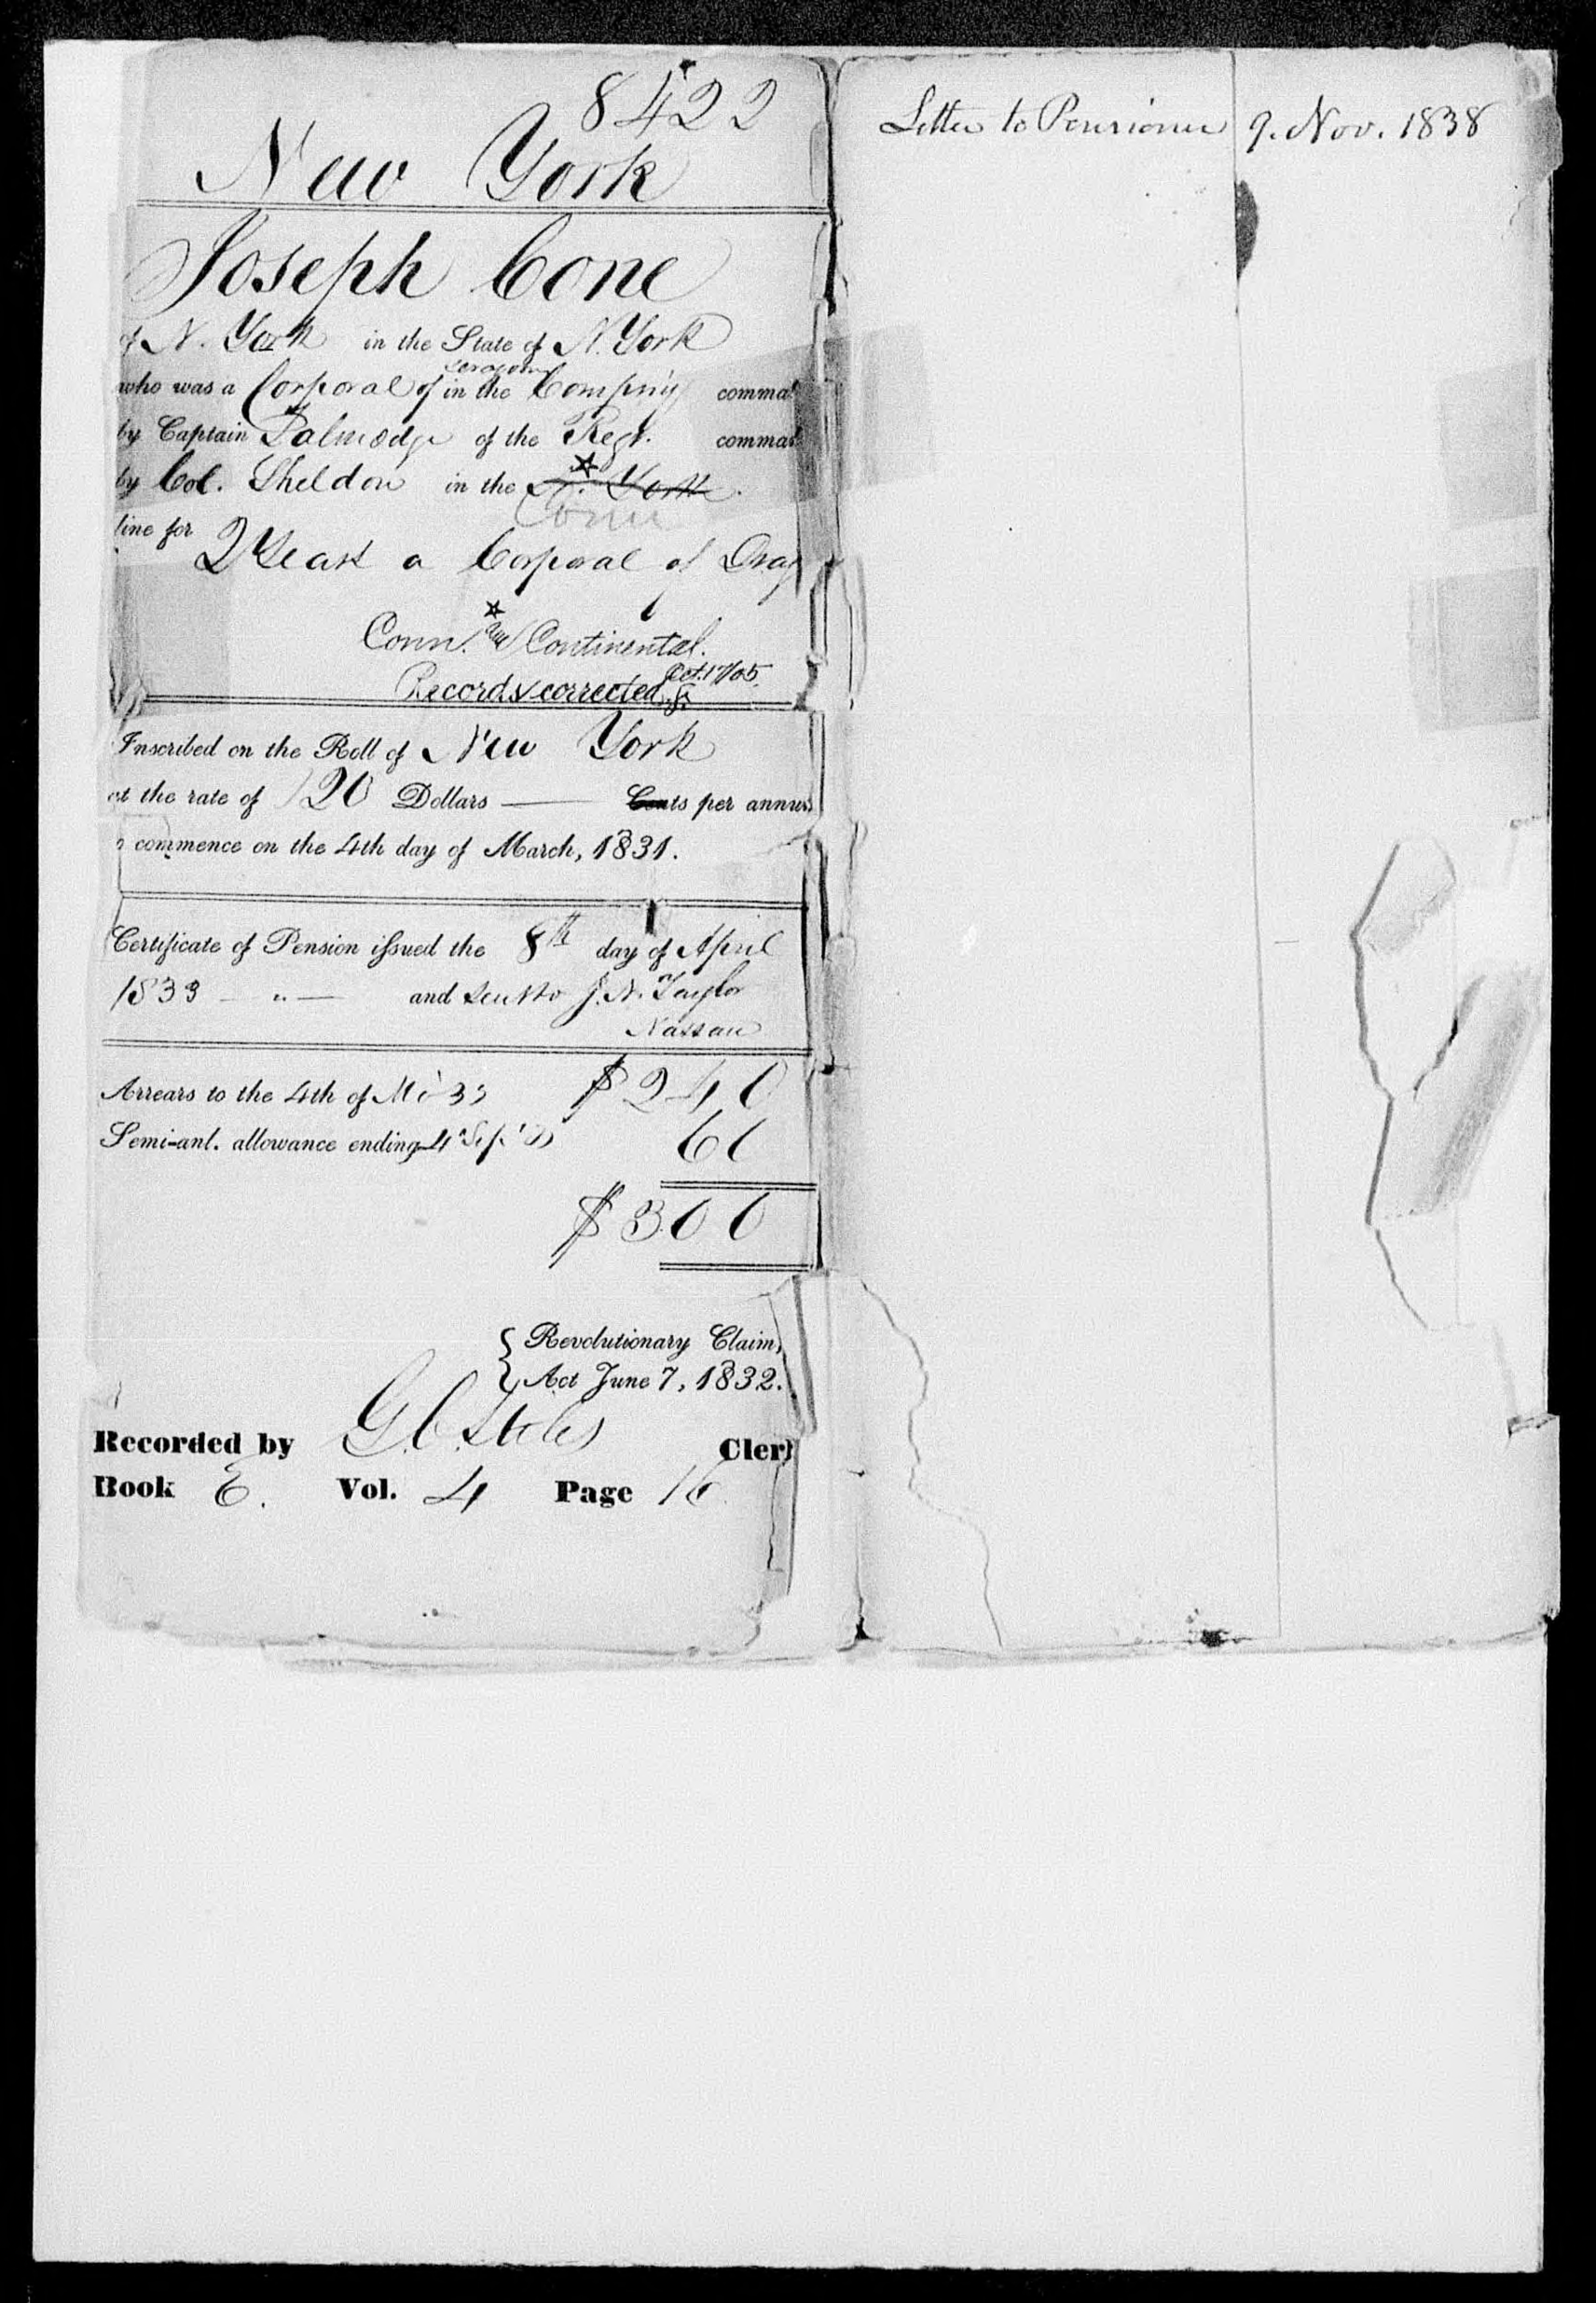8422

Letter to Pensioner 9. Nov. 1838

New York
Joseph Cone of N. York in the State of N. York who was a Corporal of Dragoons in the Company commanded by Captain Talmadge of the Regt. commanded by Col. Sheldon in the N. York [crossed out] Conn. line for 2 years a Corporal of Drag[cut off] 
Conn. and Continental. 
Oct. 17/05
Records corrected 8.

Inscribed on the Roll of New York at the rate of 120 Dollars - Cents [crossed out] per annum to commence on the 4th day of March, 1831.

Certificate of Pension issued the 8th day of April 1833 - " - and sent to J. N. Taylor
Nassau

Arrears to the 4th of Ma '35 $240
Semi-anl. allowance ending 4 Sep '[illegible] $60
$300

{Revolutionary Claim,
{Act June 7, 1832.
Recorded by G. C. Stiles Clerk
Book E. Vol. 4 Page 16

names: Talmadge, Sheldon, Joseph Cone, J N Taylor, G C Stiles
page: 2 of 28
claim: survivor's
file: S. 12569, Joseph Cone, Conn Continental